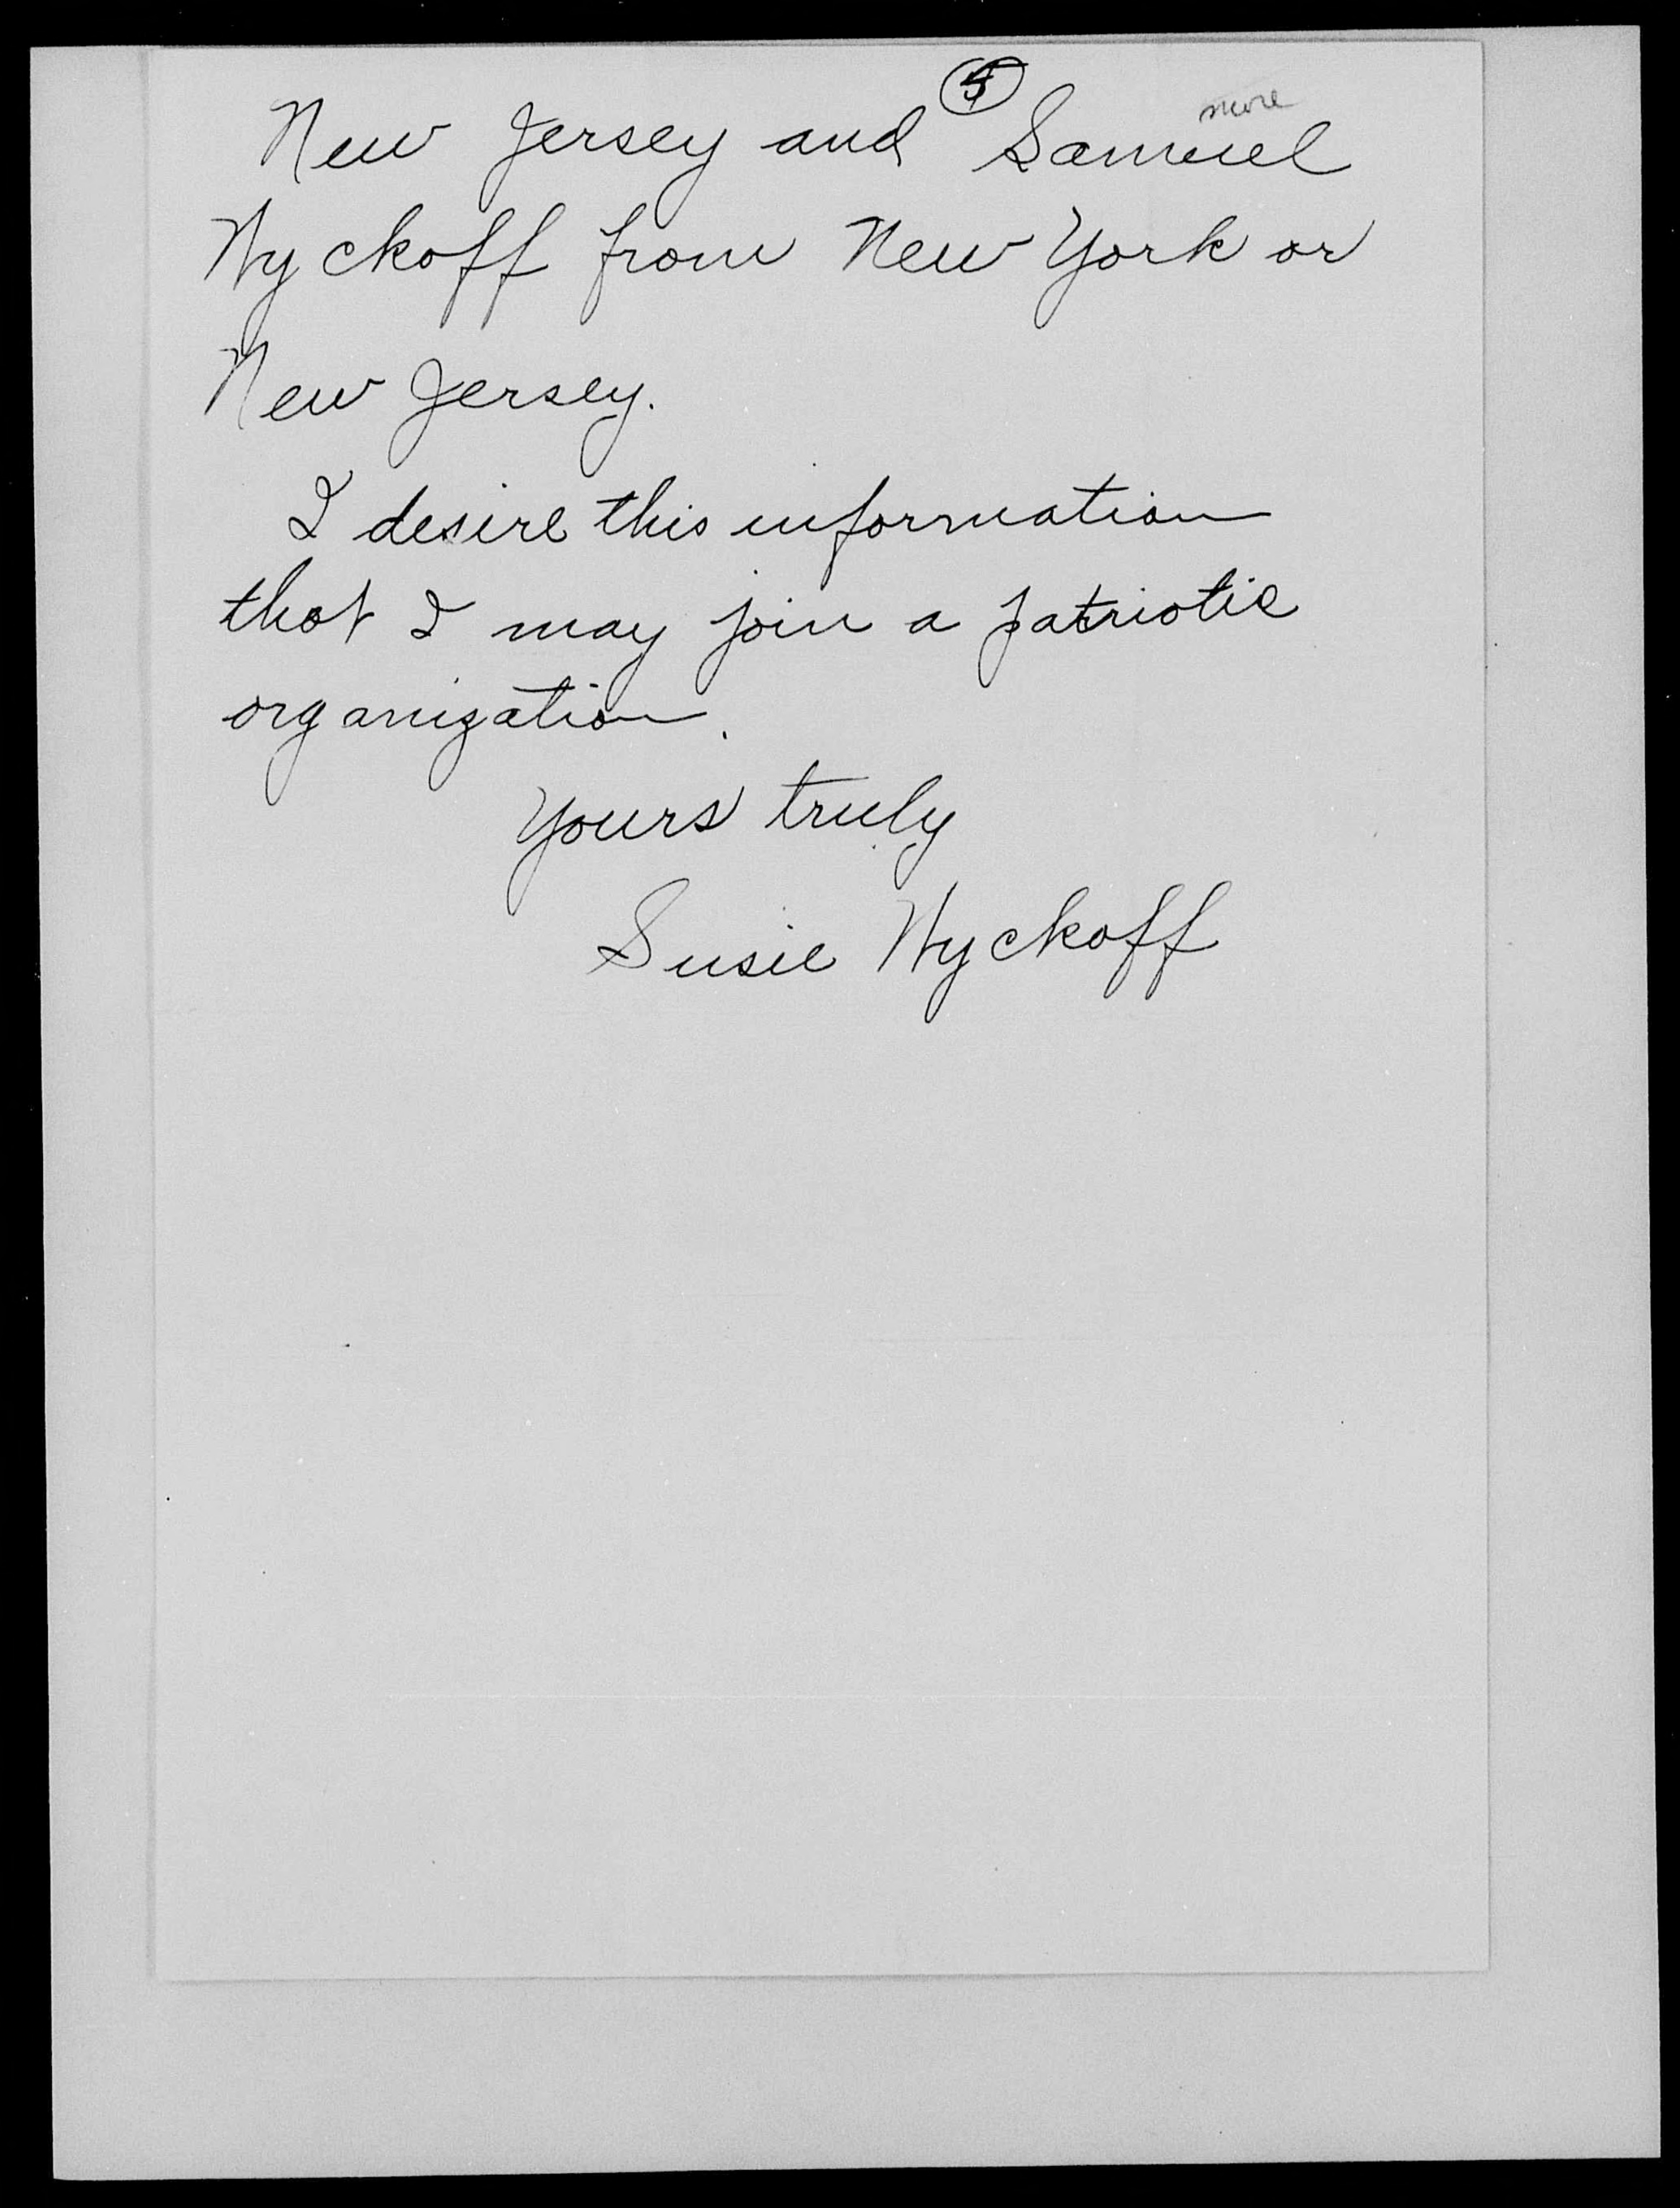5 [# is circled] more
New Jersey and
the
Samuel
Wyckoff from New York or
New Jersey
I desire this information
that I
may join a patriotic
organization
Yours truly
Susie Wyckoff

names: Susie Wyckoff; Samuel Wyckoff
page: 18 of 75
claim: survivor's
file: S. 9989, for William Popham, Delaware